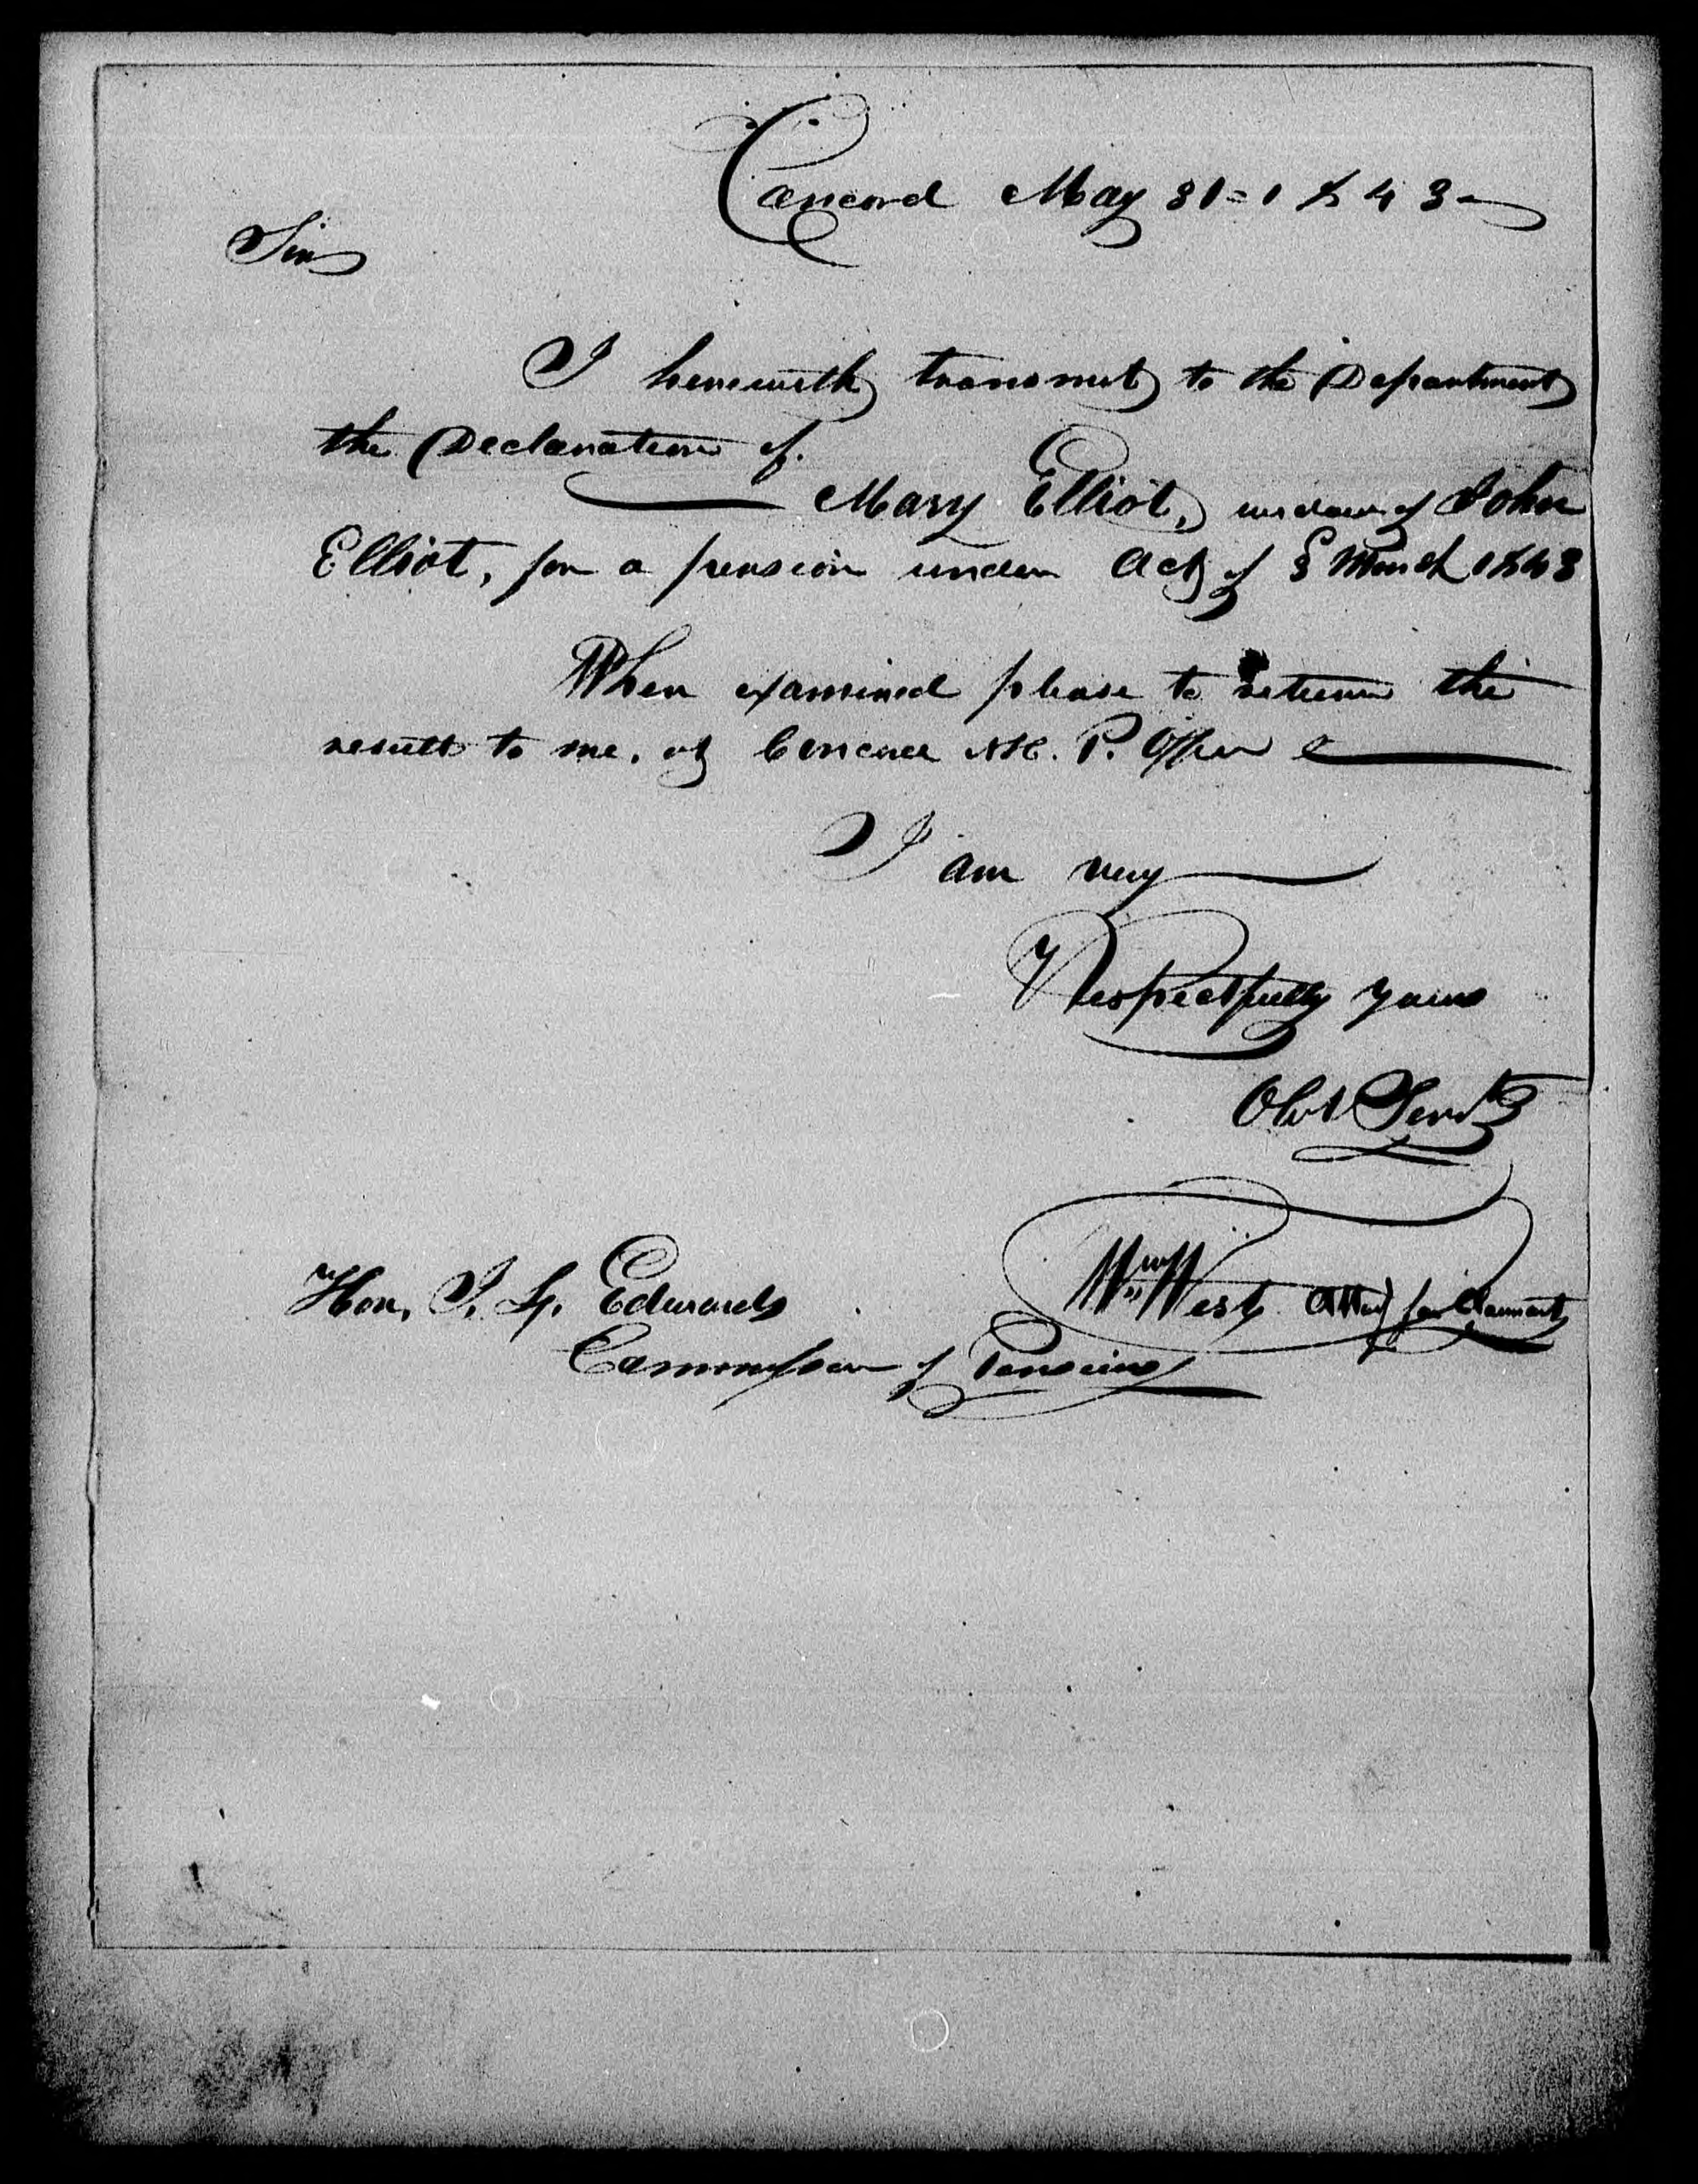Concord May 31. 1843
Sir
I herewith transmit to the Department
the Declaration of
-
Mary Elliot, widow of John
Elliot, for a pension under act of 3 March 1843
When examined please to return the ┃
result to me of Concord N. P.
I am my
Respectfully your
Obt Sert
Wm West atty for Claimant
Hon. J. G.
Edwards
Commission of Pensions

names: J L Edwards, Mary Elliot, Wm West, John Elliot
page: 29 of 57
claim: widow's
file: W. 16,114, John Elliot, Continental (Mass) N.H.